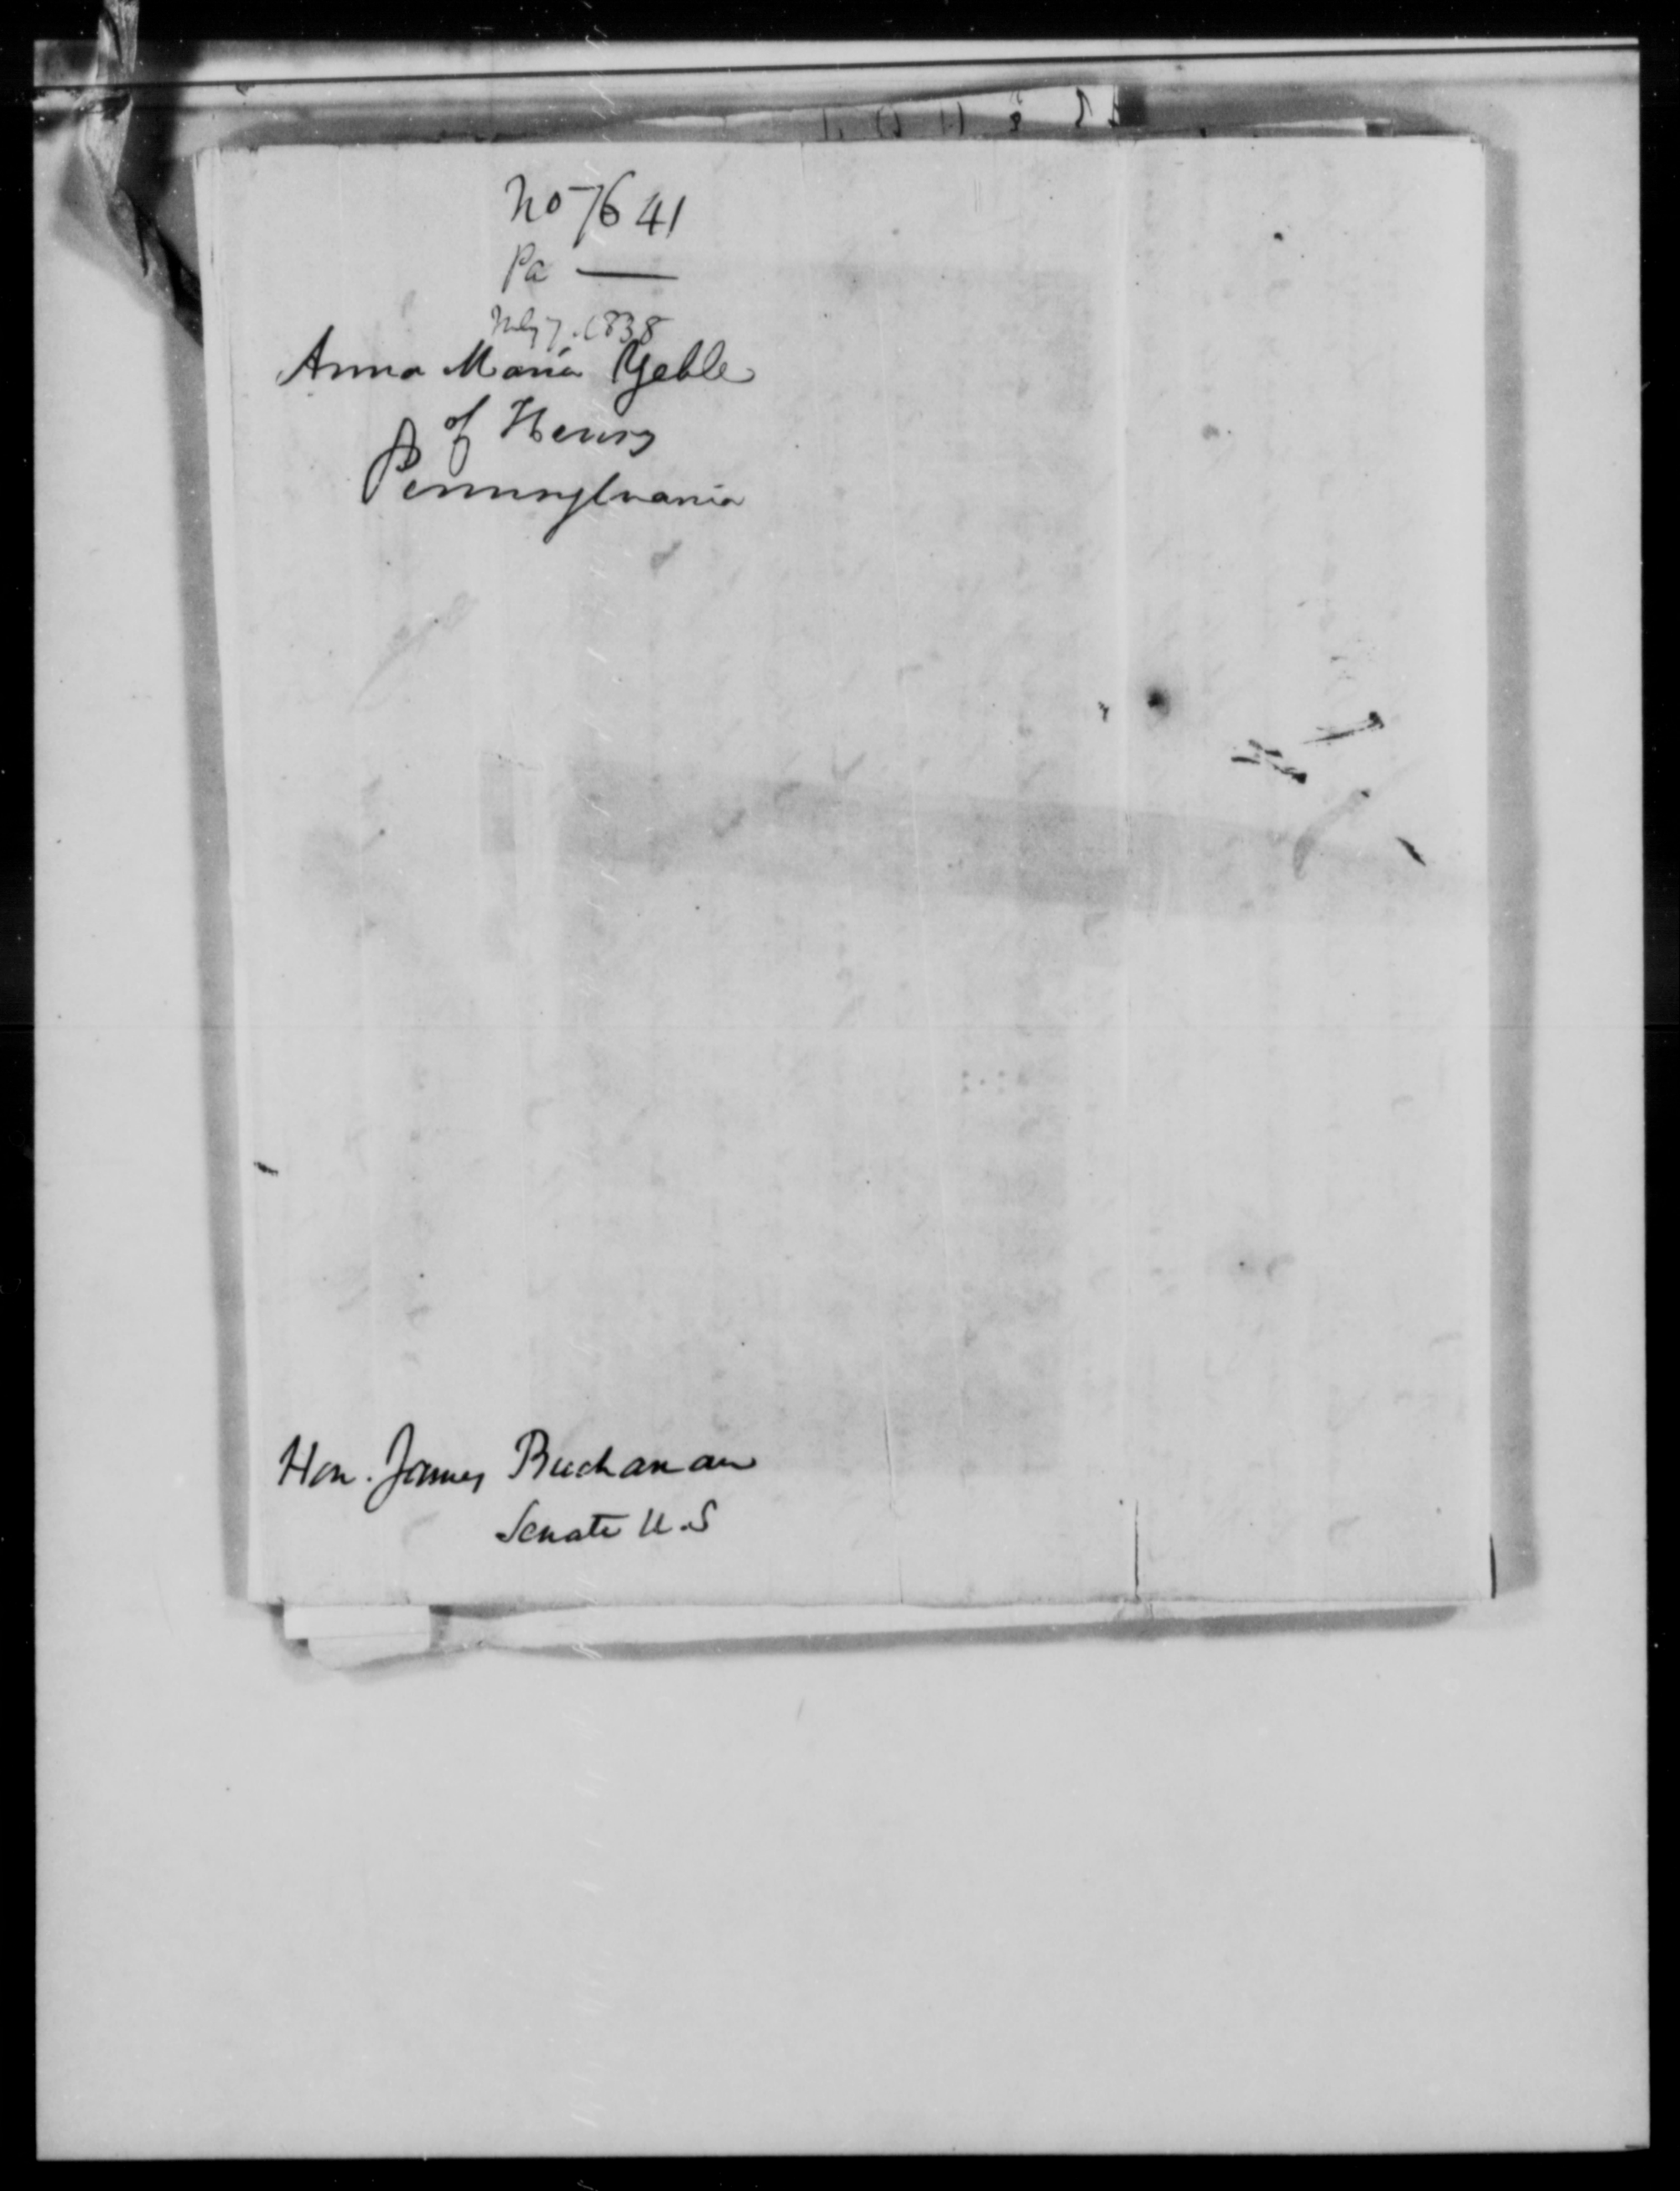no 7641
Pa
July 7, 1838
Anna Maria Yeble
of Henry
Pennsylvania

Hon. James Buchanan
Senate U. S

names: Henry Yeble, Anna Maria Yeble, James Buchanan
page: 19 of 75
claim: widow's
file: W. 3326, Henry Yebel, Continental (Penn.)